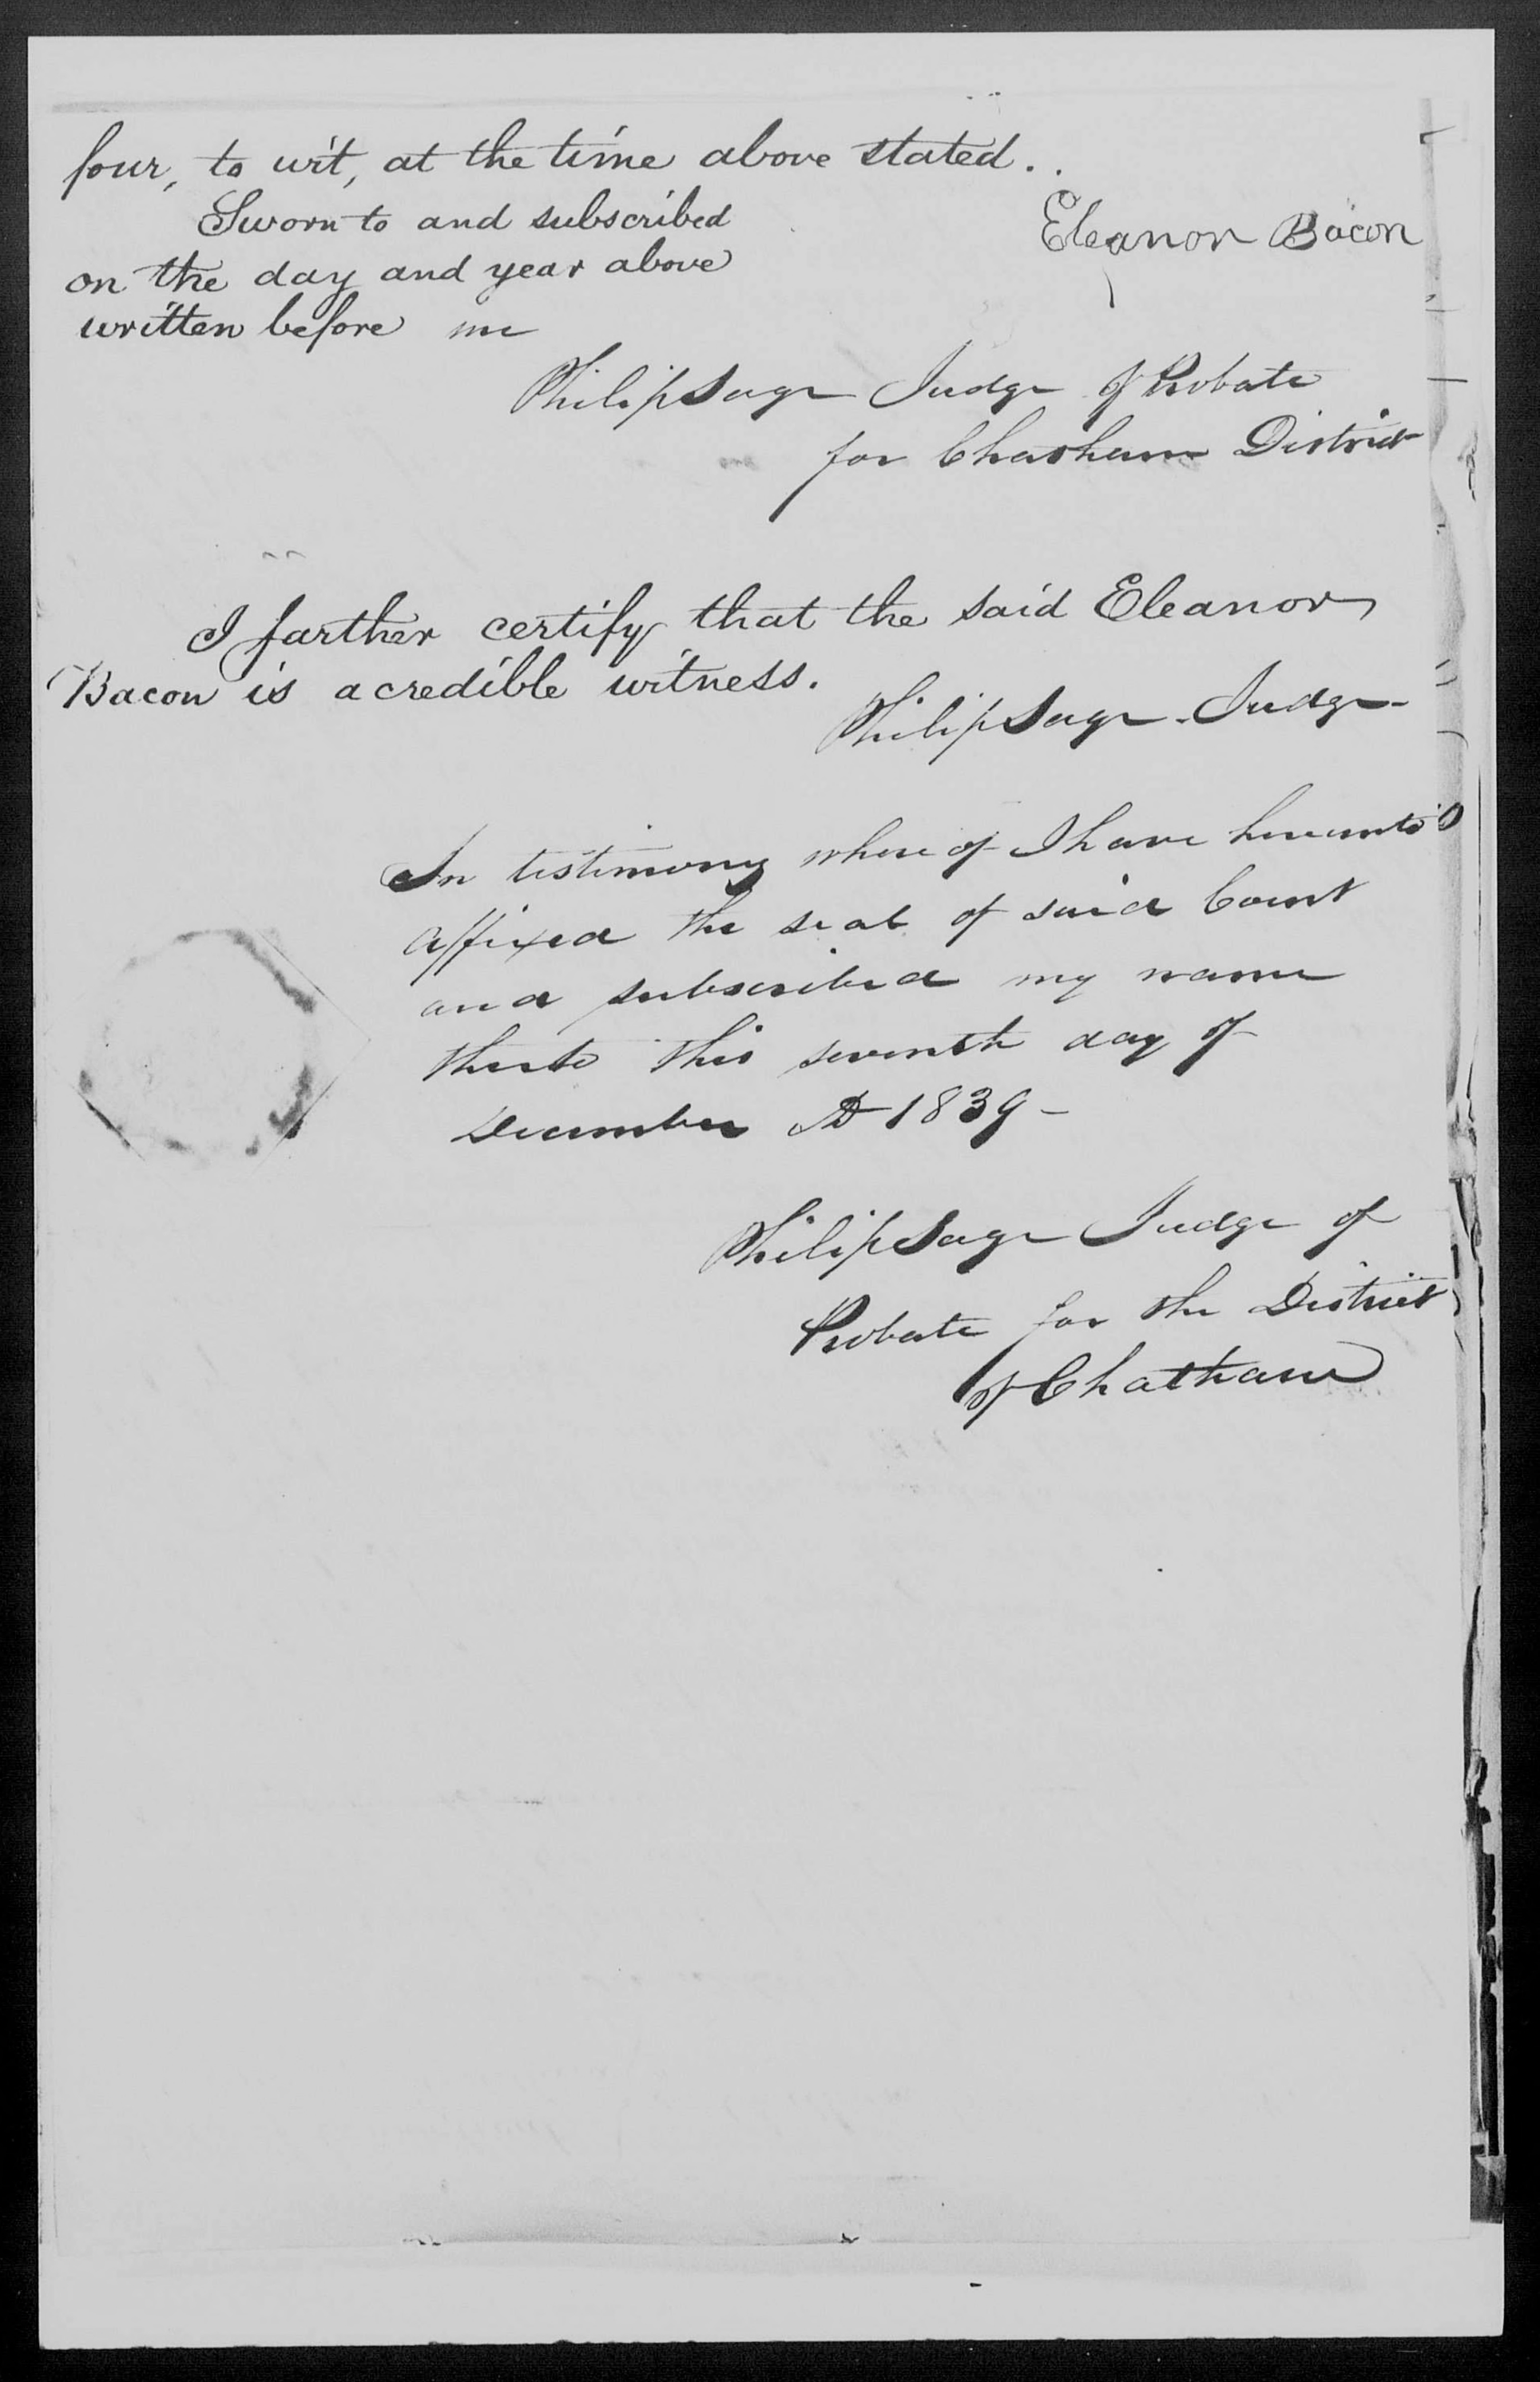"four, to wit, at the time above stated. 

Sworn to and subscribed on the day and year above written before me.

(Signed) Eleanor Bacon

(Signed) Philip Sage, Judge of Probate for Chatham District

I further certify that the said Eleanor Bacon is a credible witness. 
(Signed) Philip Sage, Judge

In testimony where I have hereunto affixed the seal of Jus'd Court and subscribed my name thereto this seventh day of December AD 1839
Philip Sage, Judge of Probate for the District of Chatham."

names: Eleanor Bacon, Eleanor Bacon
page: 4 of 24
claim: widow's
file: W. 25190, Joseph Bacon, Continental (Conn)